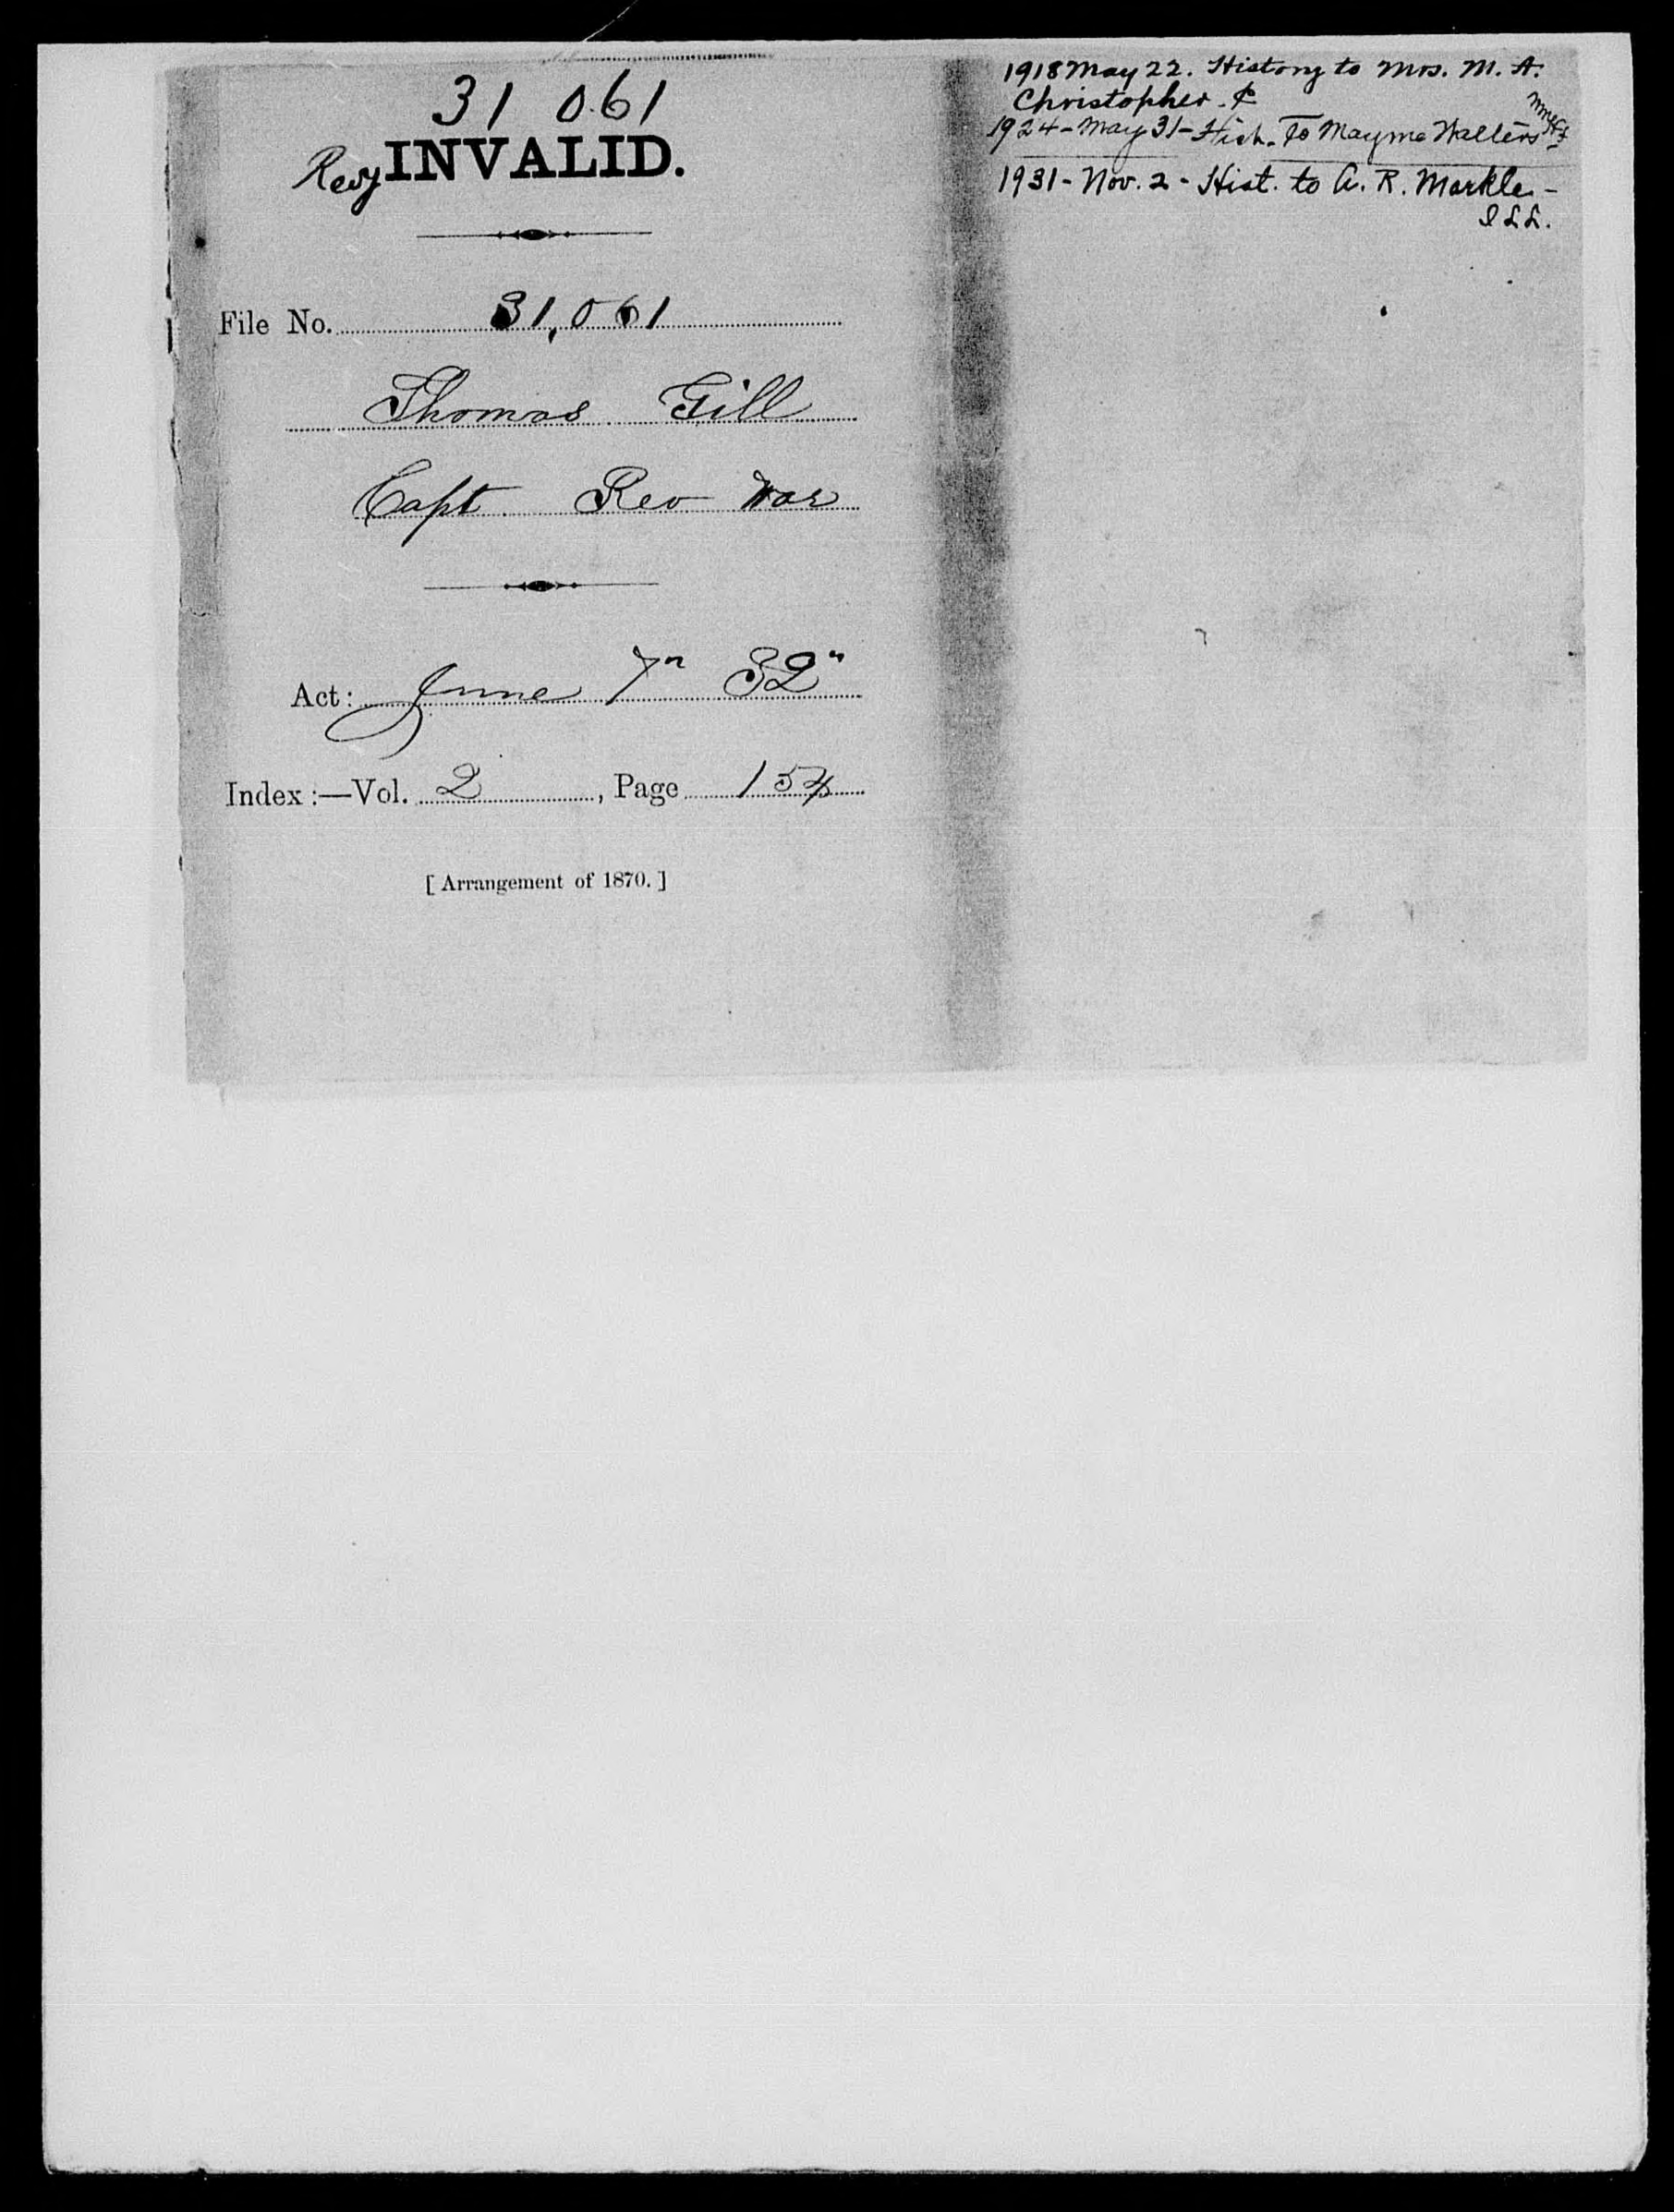Revy 31061 INVALID . File No. 31.061 Thomas Gill Capt . Rev War Act : June 7th 32 Index : - Vol 2 Page 154 Arrangement of 1870.
1918 May 22 history to Mrs. M. A. Christopher 
1924 - May 31 - Hist to Mayme Walters
1931 - Nov. 2 - Hist. to  A. R. Markle ILL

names: A R Markle, Mayme Walters, Thomas Gill, M A Christopher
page: 19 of 44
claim: survivor's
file: S. 31,061, Thomas Gill, S.C.